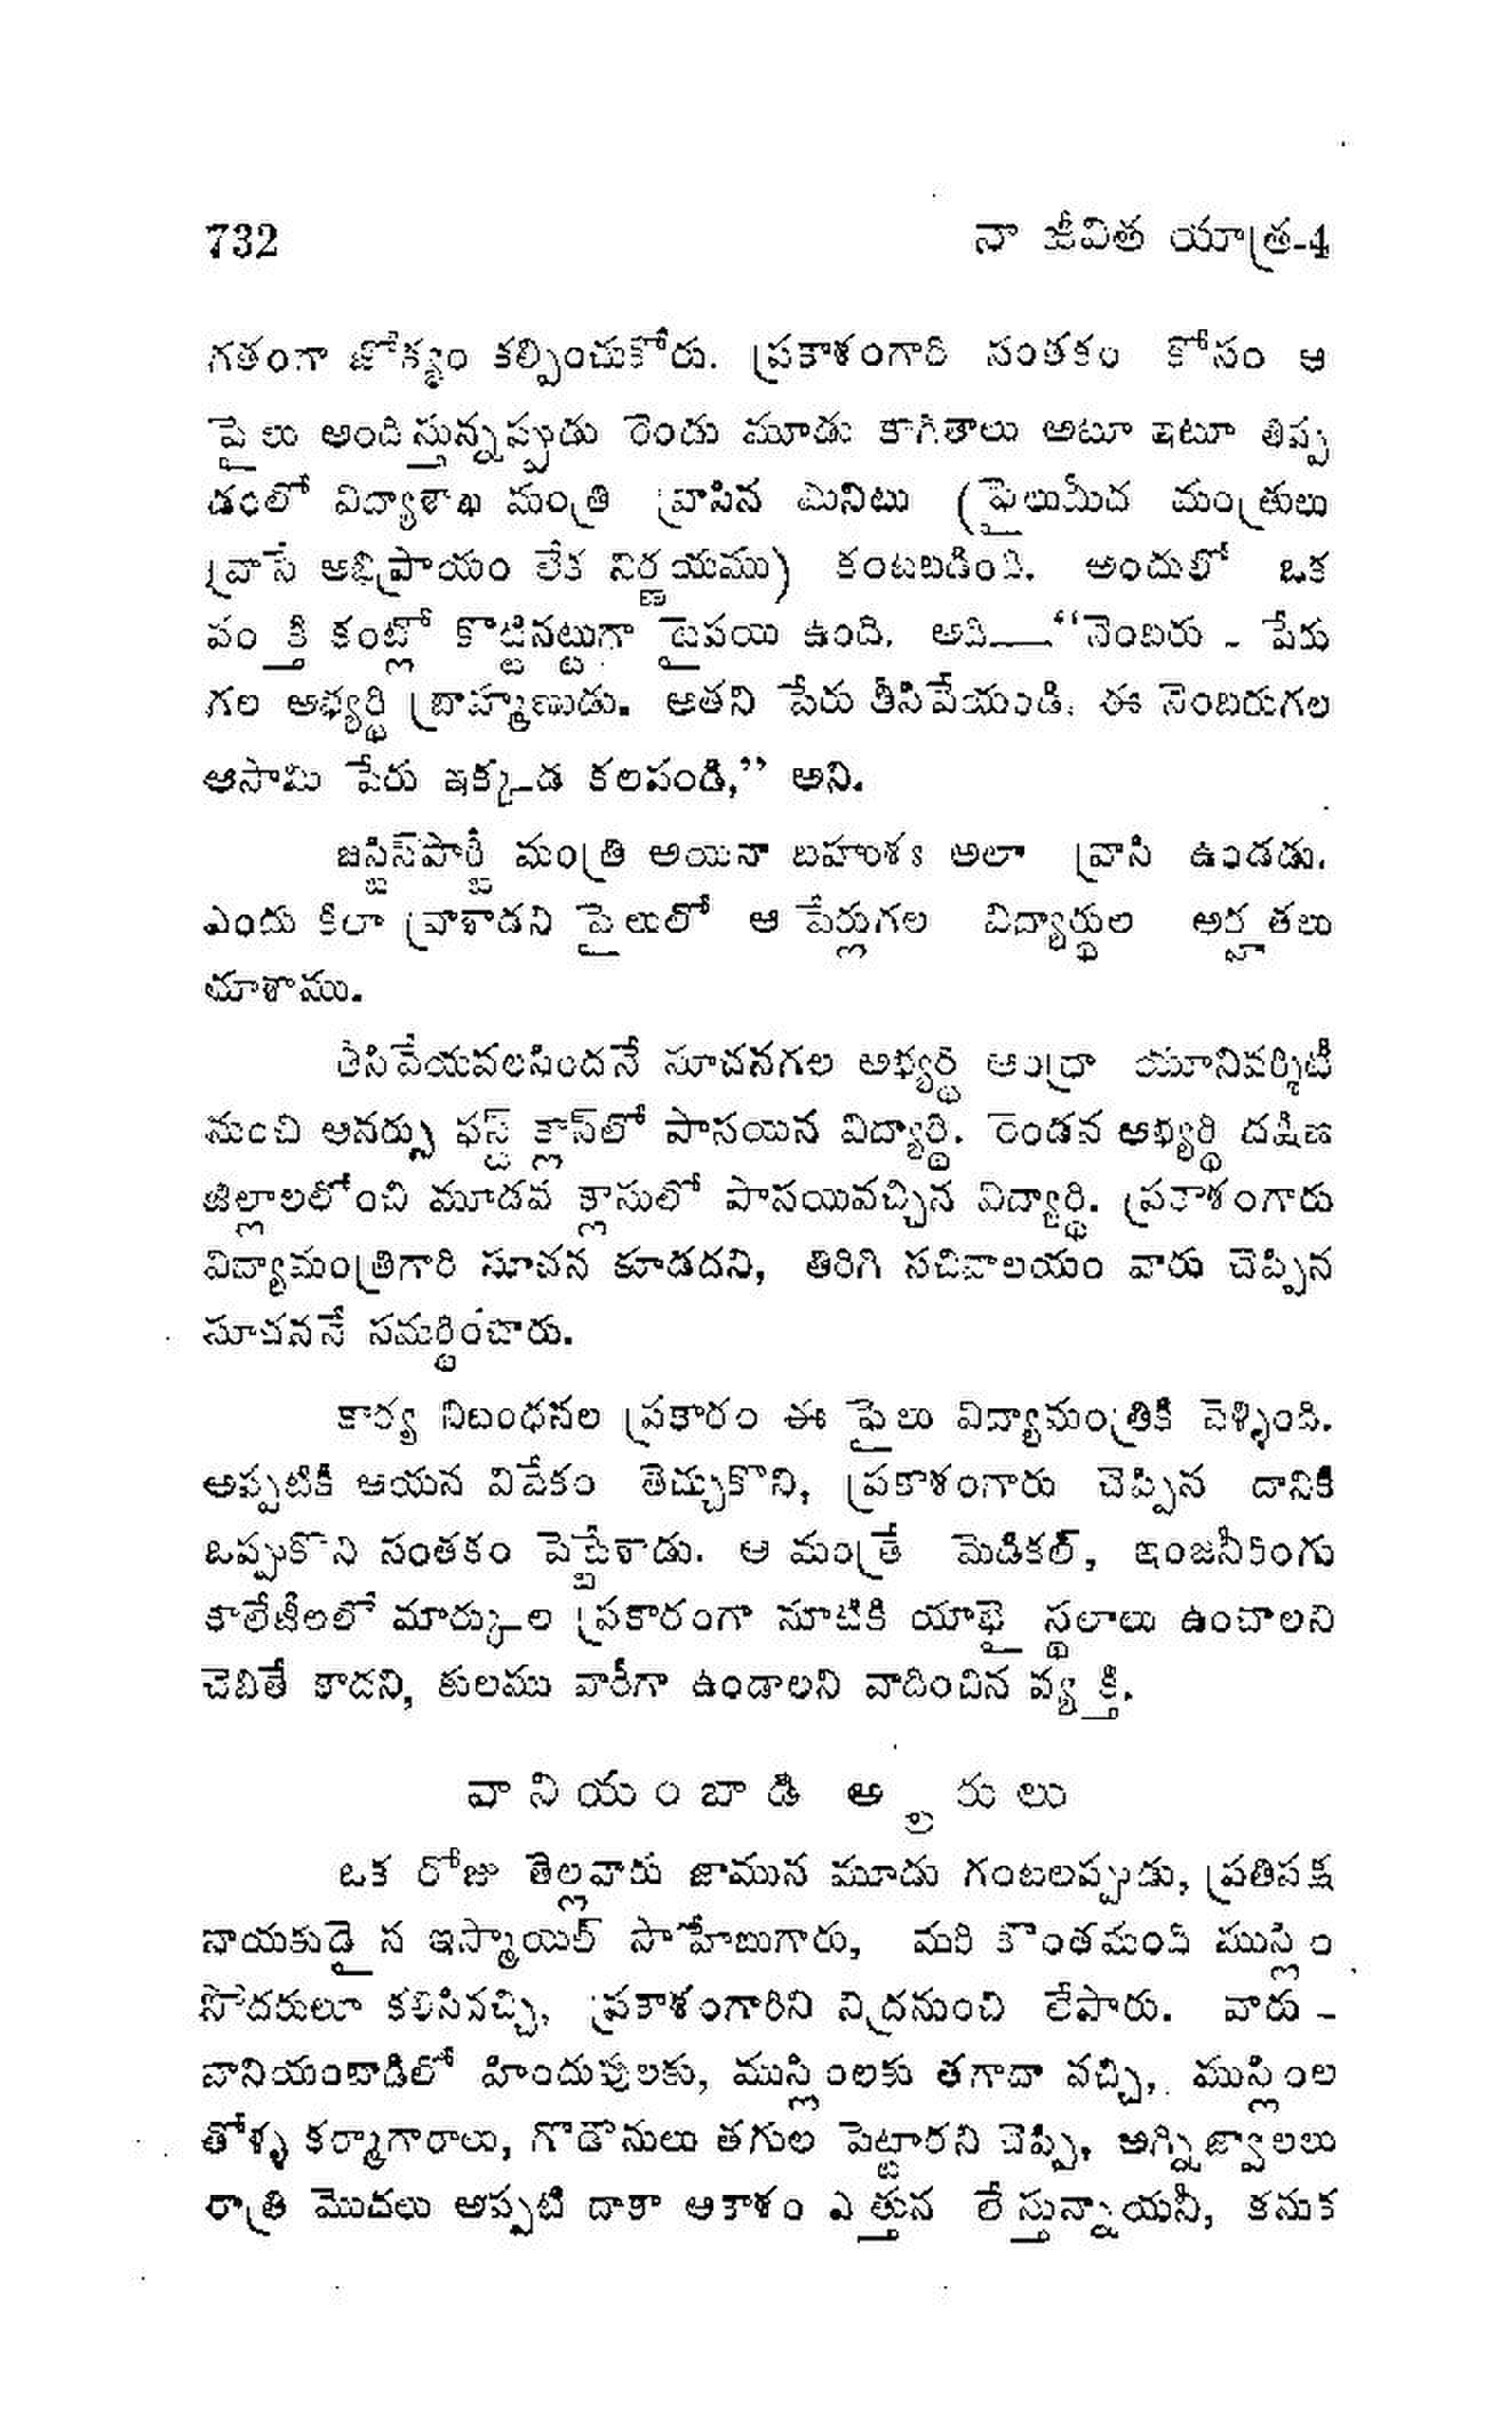గతంగా జోక్యం కల్పించుకోరు. ప్రకాశంగారి సంతకం కోసం ఆ ఫైలు అందిస్తున్నప్పుడు రెండు మూడు కాగితాలు అటూ ఇటూ తిప్పడంలో విద్యాశాఖ మంత్రి వ్రాసిన మినిటు (ఫైలుమీద మంత్రులు వ్రాసే అభిప్రాయం లేక నిర్ణయము) కంటబడింది. అందులో ఒక పంక్తి కంట్లో కొట్టినట్టుగా టైపయి ఉంది. అది - "నెంబరు - పేరుగల అభ్యర్థి బ్రాహ్మణుడు. అతని పేరు తీసివేయండి. ఈ నెంబరుగల ఆసామి పేరు ఇక్కడ కలపండి," అని.

జస్టిస్‌పార్టీ మంత్రి అయినా బహుశ: అలా వ్రాసి ఉండడు. ఎందు కిలా వ్రాశాడని పైలులో ఆ పేర్లుగల విద్యార్థుల అర్హతలు చూశాము.

తీసివేయవలసిందనే సూచనగల అభ్యర్థి ఆంధ్రా యూనివర్శిటీ నుంచి ఆనర్సు ఫస్ట్ క్లాస్‌లో పాసయిన విద్యార్థి. రెండవ అభ్యర్థి దక్షిణ జిల్లాలలోంచి మూడవ క్లాసులో పాసయివచ్చిన విద్యార్థి. ప్రకాశంగారు విద్యామంత్రిగారి సూచన కూడదని, తిరిగి సచివాలయం వారు చెప్పిన సూచననే సమర్థించారు.

కార్య నిబంధనల ప్రకారం ఈ ఫైలు విద్యామంత్రికి వెళ్ళింది. అప్పటికి ఆయన వివేకం తెచ్చుకొని, ప్రకాశంగారు చెప్పిన దానికి ఒప్పుకొని సంతకం పెట్టేశాడు. ఆ మంత్రే మెడికల్, ఇంజనీరింగు కాలేజీలలో మార్కుల ప్రకారంగా నూటికి యాభై స్థలాలు ఉంచాలని చెబితే కాదని, కులము వారీగా ఉండాలని వాదించిన వ్యక్తి.

ఒక రోజు తెల్లవారు జామున మూడు గంటలప్పుడు, ప్రతిపక్ష నాయకుడైన ఇస్మాయిల్ సాహేబుగారు, మరి కొంతమంది ముస్లిం సోదరులూ కలిసివచ్చి, ప్రకాశంగారిని నిద్రనుంచి లేపారు. వారు - వానియంబాడిలో హిందువులకు, ముస్లింలకు తగాదా వచ్చి, ముస్లింల తోళ్ళ కర్మాగారాలు, గొడొనులు తగుల పెట్టారని చెప్పి, అగ్నిజ్వాలలు రాత్రి మొదలు అప్పటి దాకా ఆకాశం ఎత్తున లేస్తున్నాయనీ, కనుక